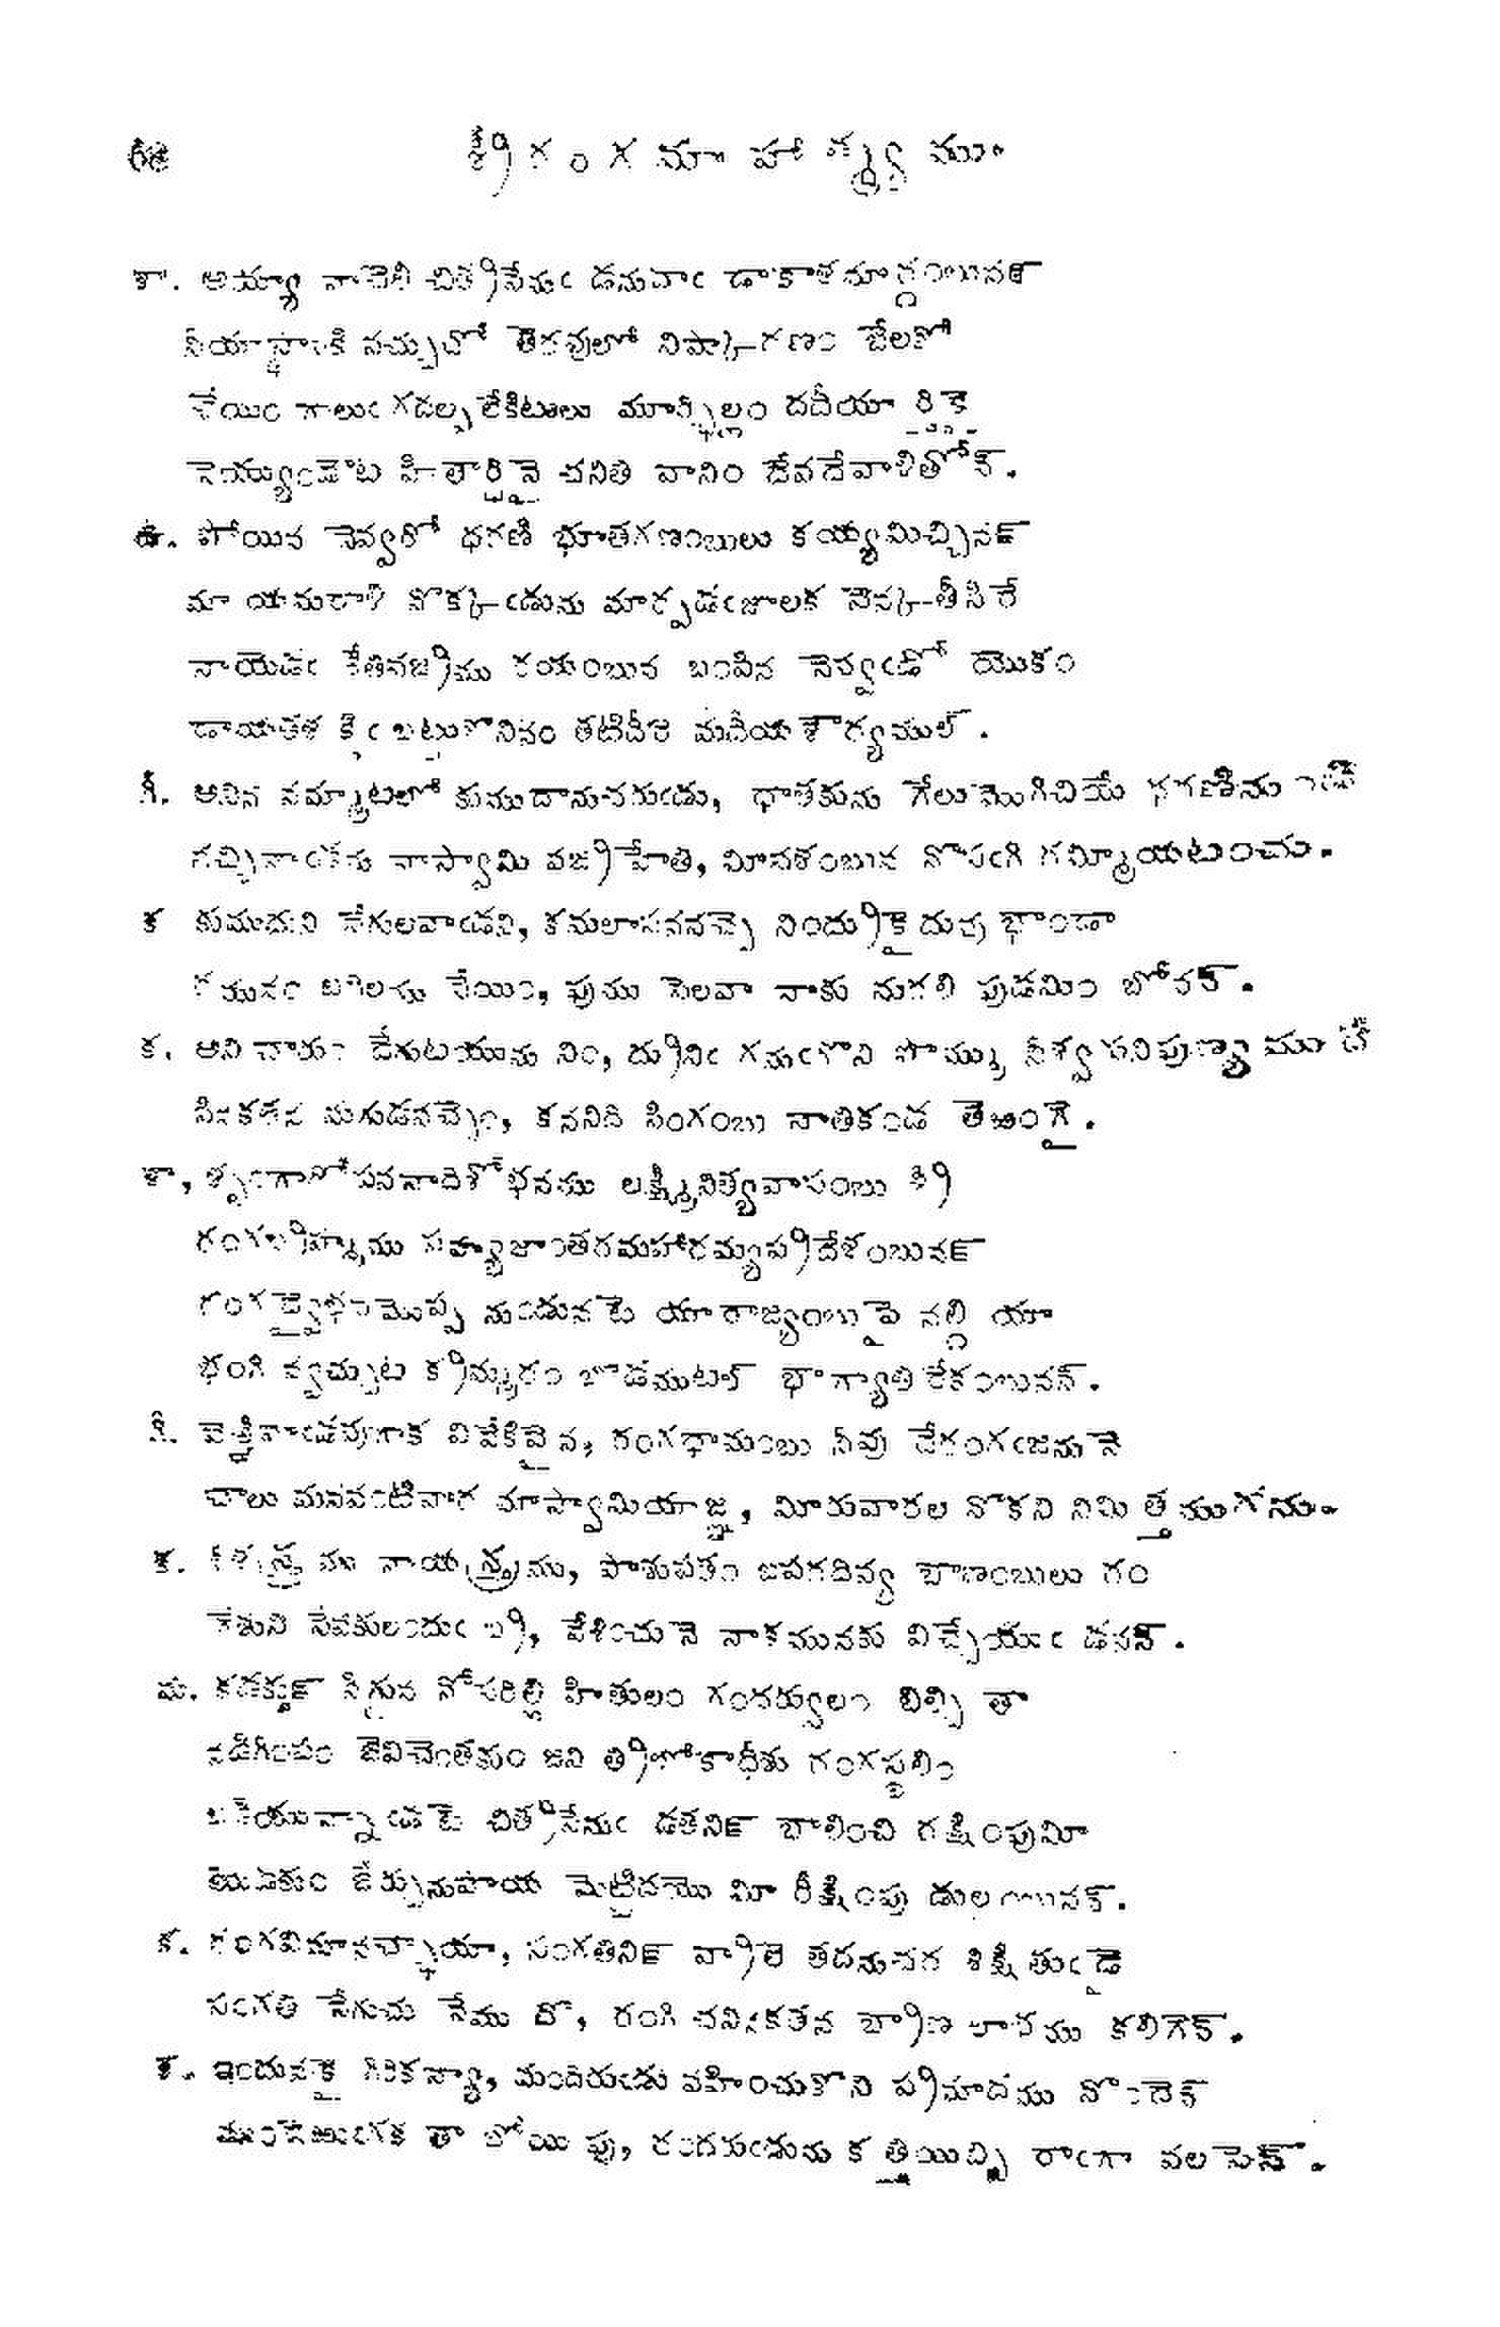శా. అయ్యా నాచెలి చిత్రసేనుఁ డనువాఁ డాకాశమార్గంబునన్
 నీయాస్థానికి వచ్చుతో తెరవులో నిష్కారణం బేలనో
 చేయిం గాలు గదల్పలేకిటలు మూర్ఛిల్లం దదీయార్తికై
 నెయ్యుండౌట హితార్థినై చనితి వానిం దేవదేవాళితోన్.
ఉ. పోయిన నెవ్వరో ధరణి భూతగణంబులు కయ్యమిచ్చినన్
 మాయమరాళి నొక్కఁడును మార్పడఁజూలక నెన్కతీసిరే
 నాయెడఁ జేతివజ్రము రయంబున బంపిన నెవ్వఁడో యొకం
 డాయతశక్తిఁ బట్టుకొనినం తటిదీరె మదీయశౌర్యముల్.
గీ. అనిన నమ్మాటలో కుముదానుచరుఁడు, ధాతకును గేలుమొగిచి యే ధరణినుంచి
 వచ్చినాఁడను స్వామి వజ్రహేతి, మీవశంబున నొసఁగి రమ్మీయటంచు.
క. కుముదుని వేగులవాఁడని, కమలాసన వచ్చె నింద్రుకైదువు భాండా
 రమునం బగిలము సేయిం, పుము సెలవా నాకు మరలి పుడమిం బోవన్.
క. అని చారుఁ డేగుటయును నిం, ద్రునిఁ గనుఁగొని పొమ్ము నీశ్వరునిపుణ్యము చే
 సినకతన మగుడవచ్చెం, కననిది సింగంబు నాతికండ తెఱంగై.
శా. శృంగారోపవనాదిశోభనము లక్ష్మీనిత్యవాసంబు శ్రీ
 రంగబ్రహ్మము సహ్యజాంతరమహారమ్యప్రదేశంబునన్
 రంగద్వైభవ మొప్ప నుండునటె యారాజ్యంబుపై నల్గి యా
 భంగి న్వచ్చుట క్రమ్మరం బొడముటల్ భాగ్యాతిరేకంబునన్.
గీ. వెఱ్ఱివాఁడవుగాక వివేకివైన, రంగధామంబు నీవు చేరంగఁజనునె
 చాలు మనవంటివార మాస్వామియాజ్ఞ, మీరువారల నొకని నిమిత్తముగను.
క. నీశస్త్రము నాయస్త్రము, పాశుపతం బపరదివ్యబాణంబులు రం
 గేశుని సేవకులందుఁ బ్ర, వేశించునె నాకమునకు విచ్చేయుఁ డనన్.
మ. కడకున్ సిగ్గున నోసరిల్లి హితులం గంధర్వుల బిల్చి తా
 నడిగింపం జెవిచెంతకుం జని త్రిలోకాధీశు రంగస్థలిం
బడియున్నాఁడటె చిత్రసేనుఁ డతనిన్ బాలించి రక్షింపుమీ
 యెడకుం జేర్పునుపాయ మెట్టిదయొ మీ రీక్షింపు డుల్లంబునన్.
క. రంగవిమానచ్ఛాయా, సంగతినిన్ వ్రాలె తదనుచర శిక్షితుఁడై
 సంగతి నేగుచు నేము దొ, రంగి చనినకతన ప్రాణలాభము కలిగెన్.
క. ఇందునకై గిరికన్యా, మందిరుఁడు వహించుకొని ప్రమాదము నొందెన్
 ముందెఱుఁగక తా బోయి పు, రందరుఁడును కత్తియిబ్బి రాఁగా వలసెన్.